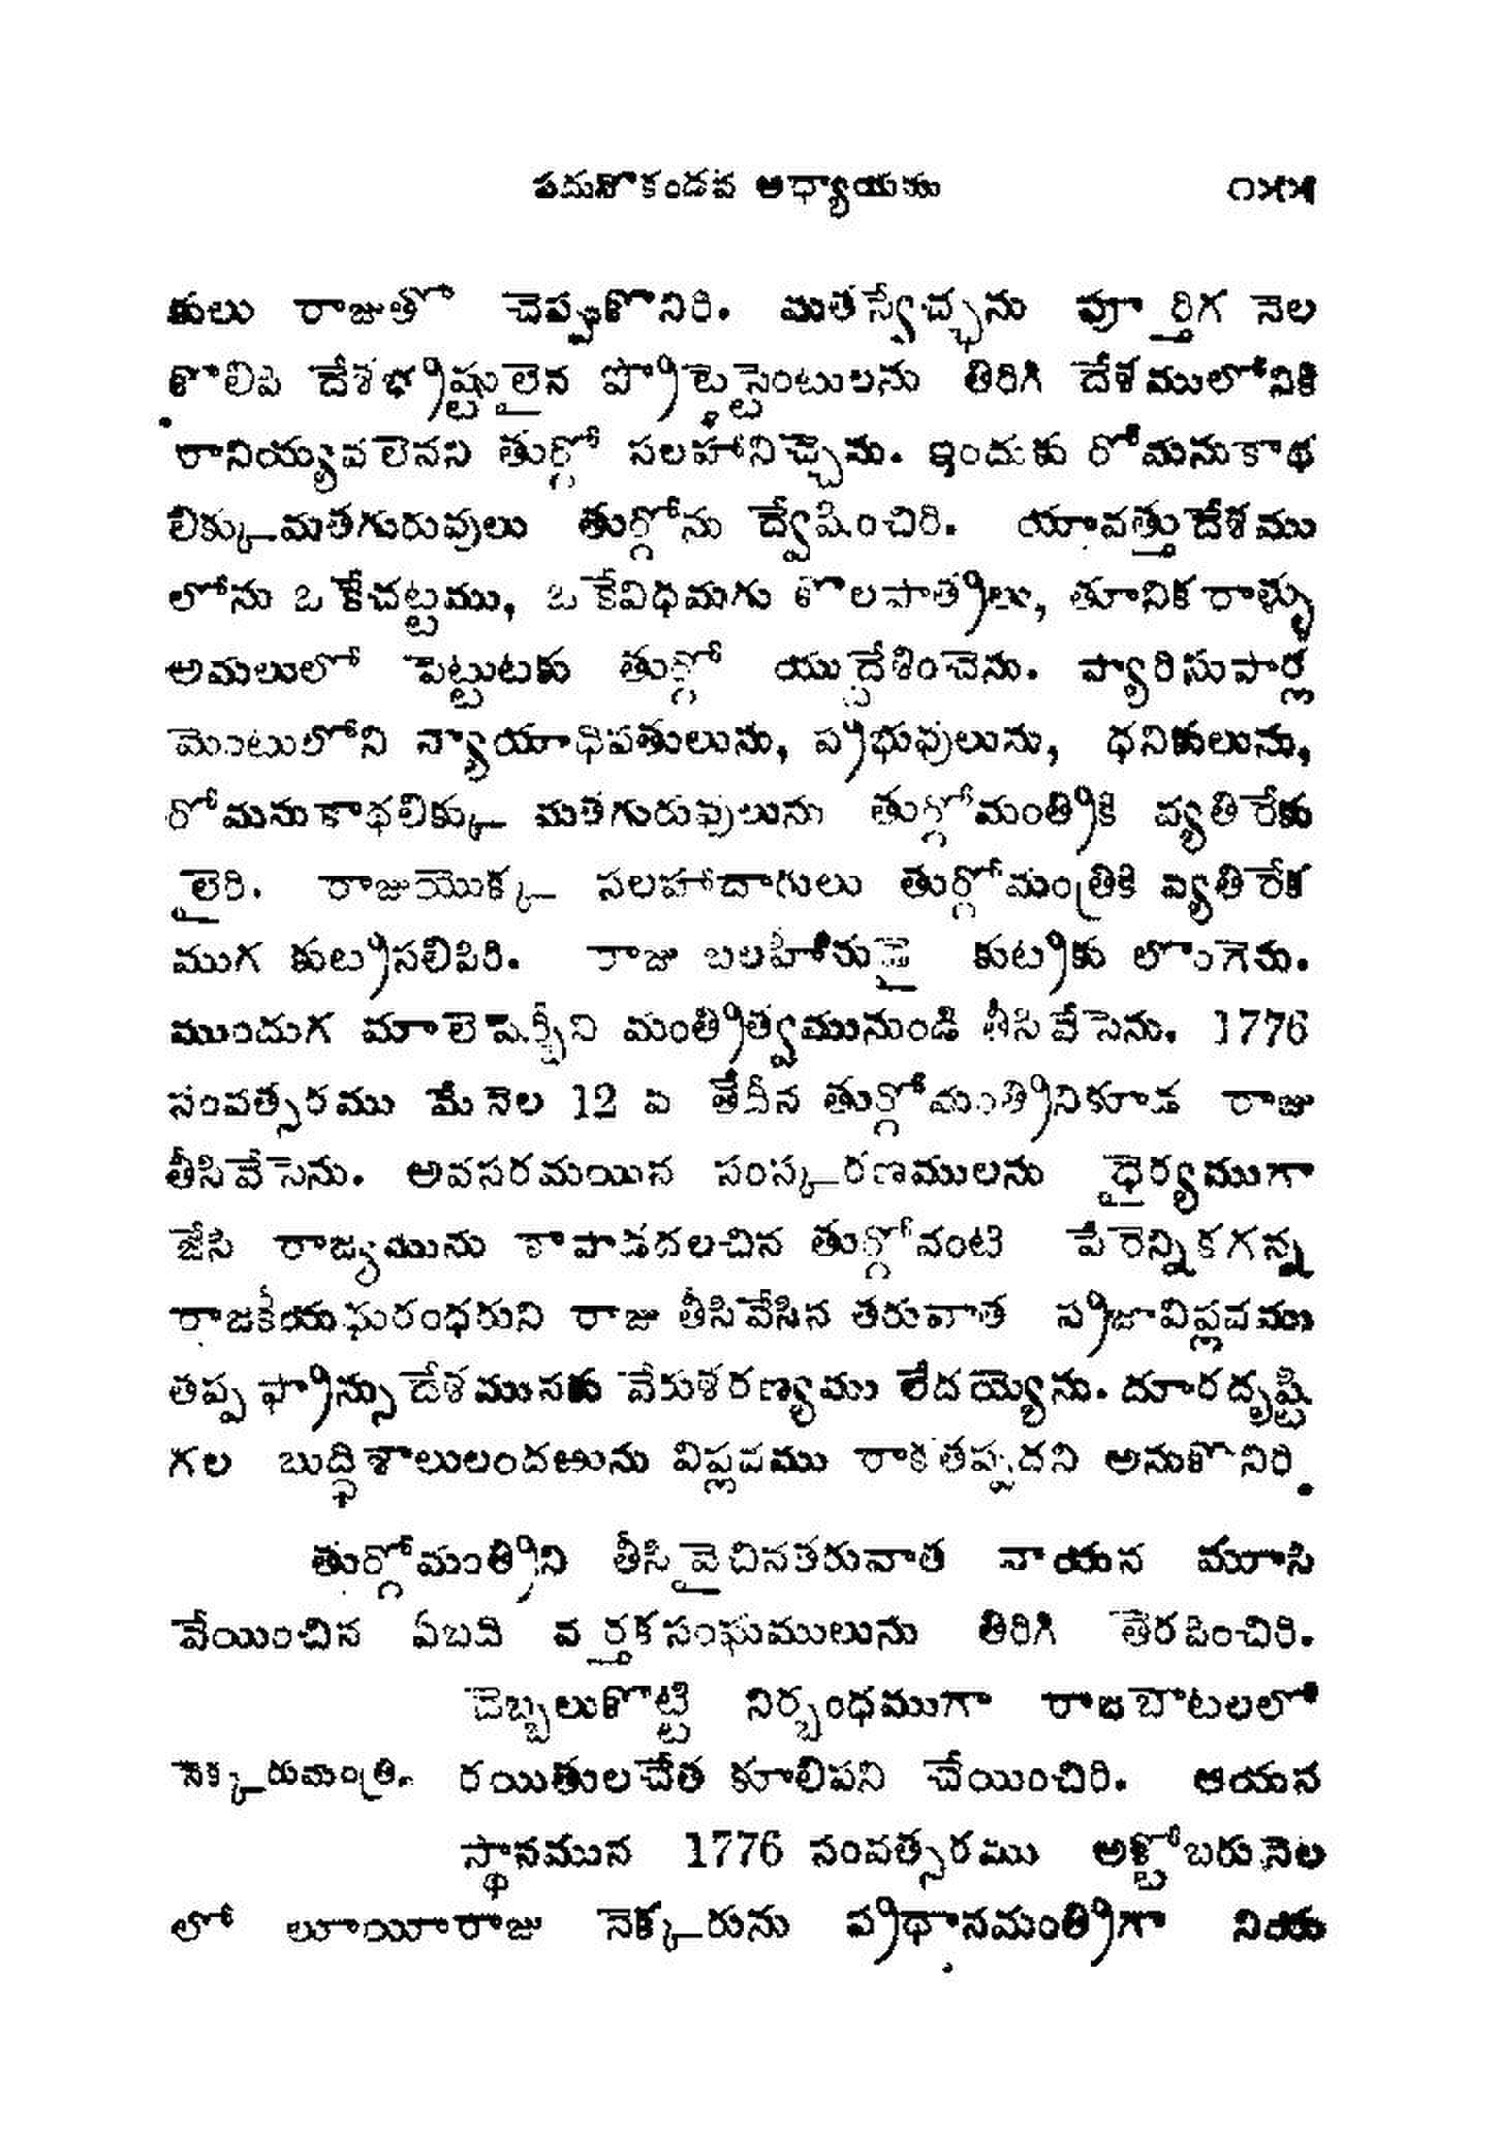కులు రాజుతో చెప్పుకొనిరి. మత స్వేచ్ఛను పూర్తిగ నెల
లిపి 'దేశ భ్రష్టులైన ప్రొటస్టెంటులను తిరిగి దేశములోనికి
రానియ్యవలెననితుర్ఘో సలహానిచ్చెను. ఇందుకు రోమసు కాథ
లిక్కు మతగురువులు తుగ్లోను ద్వేషించిరి. యావత్తు దేశము
లోను ఒకేచట్టము, ఓ కేవిధమగు కొలపాత్రలు, తూనిక రాళ్ళు
అమలులో పెట్టుటకు తుర్గో యుద్దేశించెను. ప్యారిసుపార్ల
మేంటులోని న్యాయాధిపతులుసు, ప్రభువులుసు, ధనికులును,
రోమను కాథలిక్కు మగురువులును తుగ్లోమంత్రికి వ్యతి రేకు
లైరి. రాజు యొక్క సలహాదాగులు తుర్గోమంత్రికి వ్యతిరేక
ముగ కుట్ర సలిపిరి. రాజు బలహీనుడై కుట్రకు లొంగెను.
ముందుగ మాలె షె.ర్బీని మంత్రిత్వమునుండి తీసి వేసెను. 1776
సంవత్సరము మే నెల 12 ఏ తేదీన తుర్గో మంత్రిని కూడ
తీసివేసెను. అవసరమయిన సంస్కరణములను ధైర్యముగా
జేసి రాజ్యమునుకాపాడ దలచిన తుర్గో వంటి పేరెన్నికగన్న
రాజకీయ దురంధరుని రాజు తీసి వేసిన తరువాత ప్రజు విప్లవము
తప్ప ఫ్రాన్సు దేశమునకు 'వేరుశరణ్యము లేదయ్యెను. దూరదృష్టి
గల బుద్ధి రాలులందఱును విప్లవము రాక తప్పదని అనుకొనిరి.

నెక్కరు మంత్రి, 

తుర్గో మంత్రిని తీసి వైచిన తరువాత నాయన మూసీ
వేయించిన ఏబది వర్తక సంఘములును తిరిగి తెర పించిరి.
దెబ్బలు కొట్టి నిర్బంధముగా రాజు బాటలలో
రయితులచేత కూలిపని చేయించిరి. ఆయన
స్థానమున 1776 సంవత్సరము అక్టోబరు నెల
లూయీ రాజు. నెక్కరును ప్రధానమంత్రిగా నియ